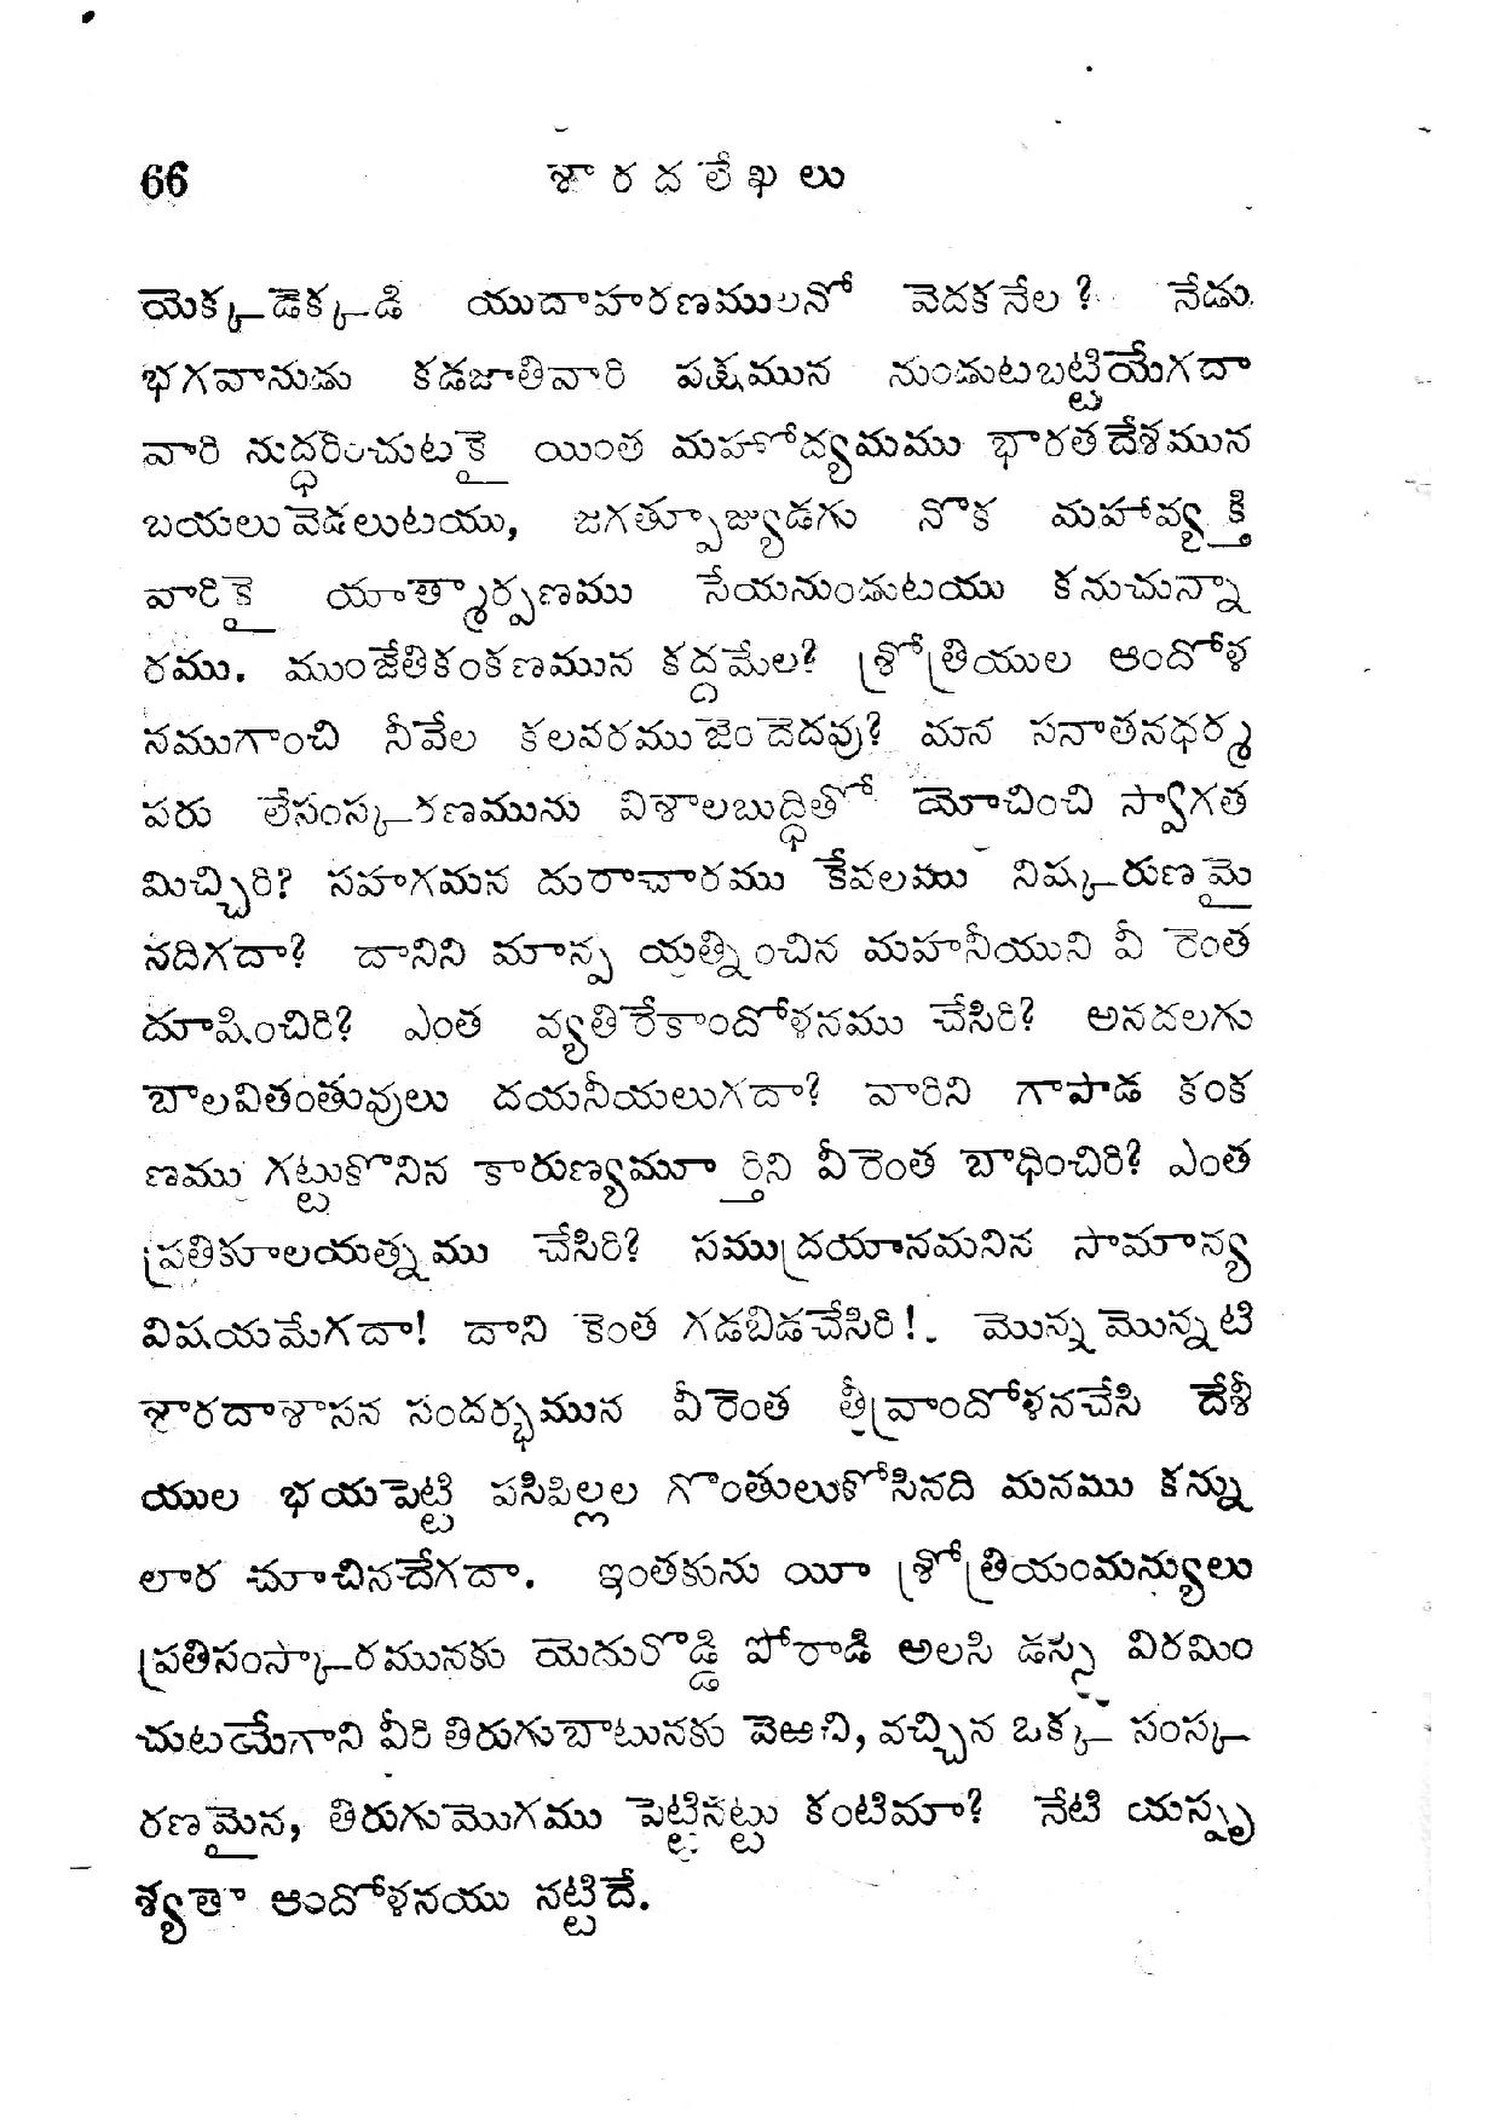యెక్కడెక్కడి యుదాహరణములనో వెదకనేల ? నేడు
భగవానుడు కడజాతివారి పక్షమున నుండుటబట్టియేగదా
వారి నుద్ధరించుటకై యింత మహోద్యమము భారతదేశమున
బయలు వెడలుటయు, జగత్పూజ్యుడగు నొక మహావ్యక్తి
వారికై యాత్మార్పణము సేయనుండుటయు కనుచున్నా
రము. ముంజేతికంకణమున కద్దమేల? శ్రోత్రియులు ఆందోళ
నముగాంచి నీవేల కలవరము జెందెదవు? మన సనాతనధర్మ
పరు లేసంస్కరణమును విశాలబుద్ధితో యోచించి స్వాగత
మిచ్చిరి? సహగమన దురాచారము కేవలము నిష్కరుణమై
నదిగదా? దానిని మాన్ప యత్నించిన మహనీయుని వీ రెంత
దూషించిరి? ఎంత వ్యతిరేకాందోళనము చేసిరి? అనదలగు
బాలవితంతువులు దయనీయలుగదా? వారిని గాపాడ కంక
ణము గట్టుకొనిన కారుణ్యమూర్తిని వీరెంత బాధించిరి? ఎంత
ప్రతికూలయత్నము చేసిరి? సముద్రయానమనిన సామాన్య
విషయమేగదా! దాని కెంత గడబిడ చేసిరి ! మొన్న మొన్నటి
శారదాశాసన సందర్భమున వీరెంత తీవ్రాందోళనచేసి దేశీ
యుల భయపెట్టి పసిపిల్లల గొంతులు కోసినది మనము కన్ను
లార చూచినదేగదా. ఇంతకును యీ శ్రోత్రియంమన్యులు
ప్రతిసంస్కారమునకు యెదురొడ్డి పోరాడి అలసి డస్సి విరమిం
చుటయేగాని వీరి తిరుగు బాటునకు వెఱచి, వచ్చిన ఒక్క సంస్క
రణమైన, తిరుగుమొగము పెట్టినట్టు కంటిమా? నేటి యస్పృ
శ్యతా ఆందోళనయు నట్టిదే.